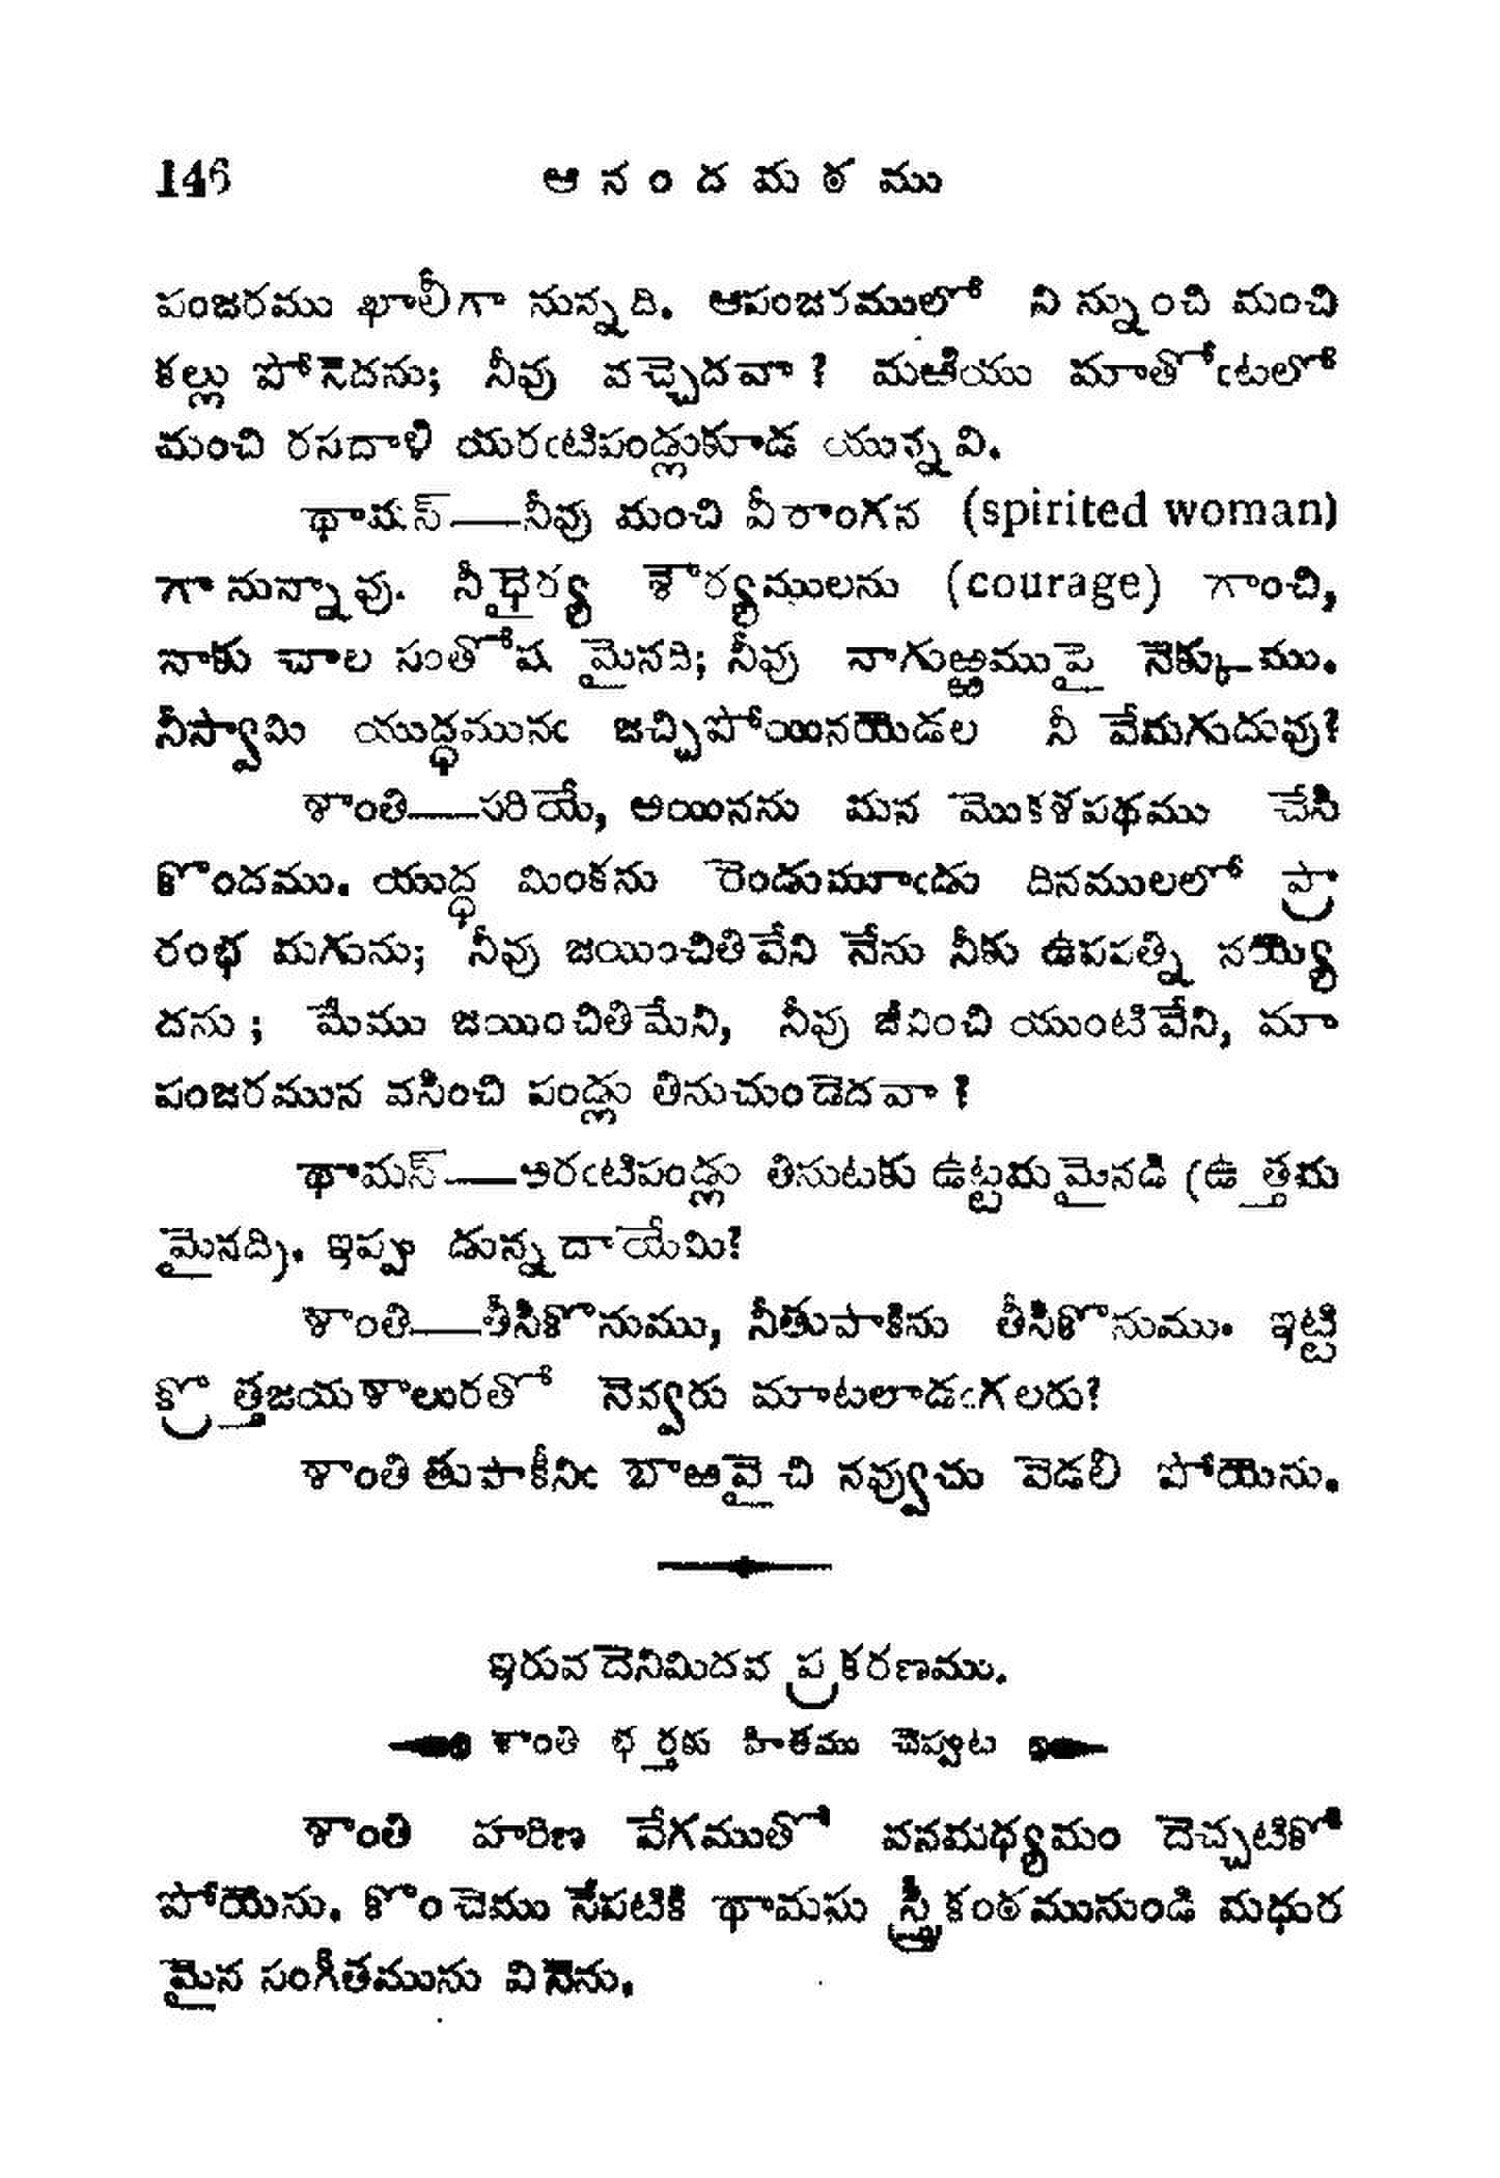పంజరము ఖాలీగా నున్నది. ఆపంజరములో నిన్నుంచి మంచి కల్లు పోసెదను; నీవు వచ్చెదవా ? మఱియు మాతోటలో
మంచి రసదాళి యరఁటిపండ్లుకూడ యున్నవి.

థామస్—— నీవు మంచి వీరాంగన (spirited woman)గా నున్నావు. నీ ధైర్య శౌర్యములను (courage) గాంచి, నాకు చాల సంతోష మైనది; నీవు నాగుఱ్ఱముపై నెక్కుము. నీస్వామి యుద్ధమునఁ జచ్చిపోయినయెడల నీ వేమగుదువు?

శాంతి——సరియే, అయినను మన 'మొకశపథము చేసి కొందము. యుద్ధ మింకను రెండుమూడు దినములలో ప్రారంభ మగును; 'నీవు జయించితివేని నేను నీకు ఉపపత్ని నయ్యెదను మేము జయించితిమేని, నీవు జీవించి యుంటి వేని, మా
పంజరమున వసించి పండ్లు తినుచుండెదవా?

థామస్—— అరఁటిపండ్లు తినుటకు ఉట్టమమైనడి (ఉత్తమమైనది). ఇప్పుడున్న దాయేమి?

శాంతి—— తీసికొనుము, నీతుపాకిను తీసికొనుము. ఇట్టి కొత్తజయశాలురతో నెవ్వరు మాటలాడఁగలరు?

శాంతి తుపాకీనిఁ బాఱవైచి నవ్వుచు వెడలి పోయెను.

ఇరువ దెనిమిదవ ప్రకరణము.

శాంతి భర్తకు హితము చెప్పుట

శాంతి హరిణ వేగముతో వనమధ్యమం దెచ్చటికో పోయెను. కొంచెము సేపటికి థామసు స్త్రీ కంఠమునుండి మధురమైన సంగీతమును వినెను.